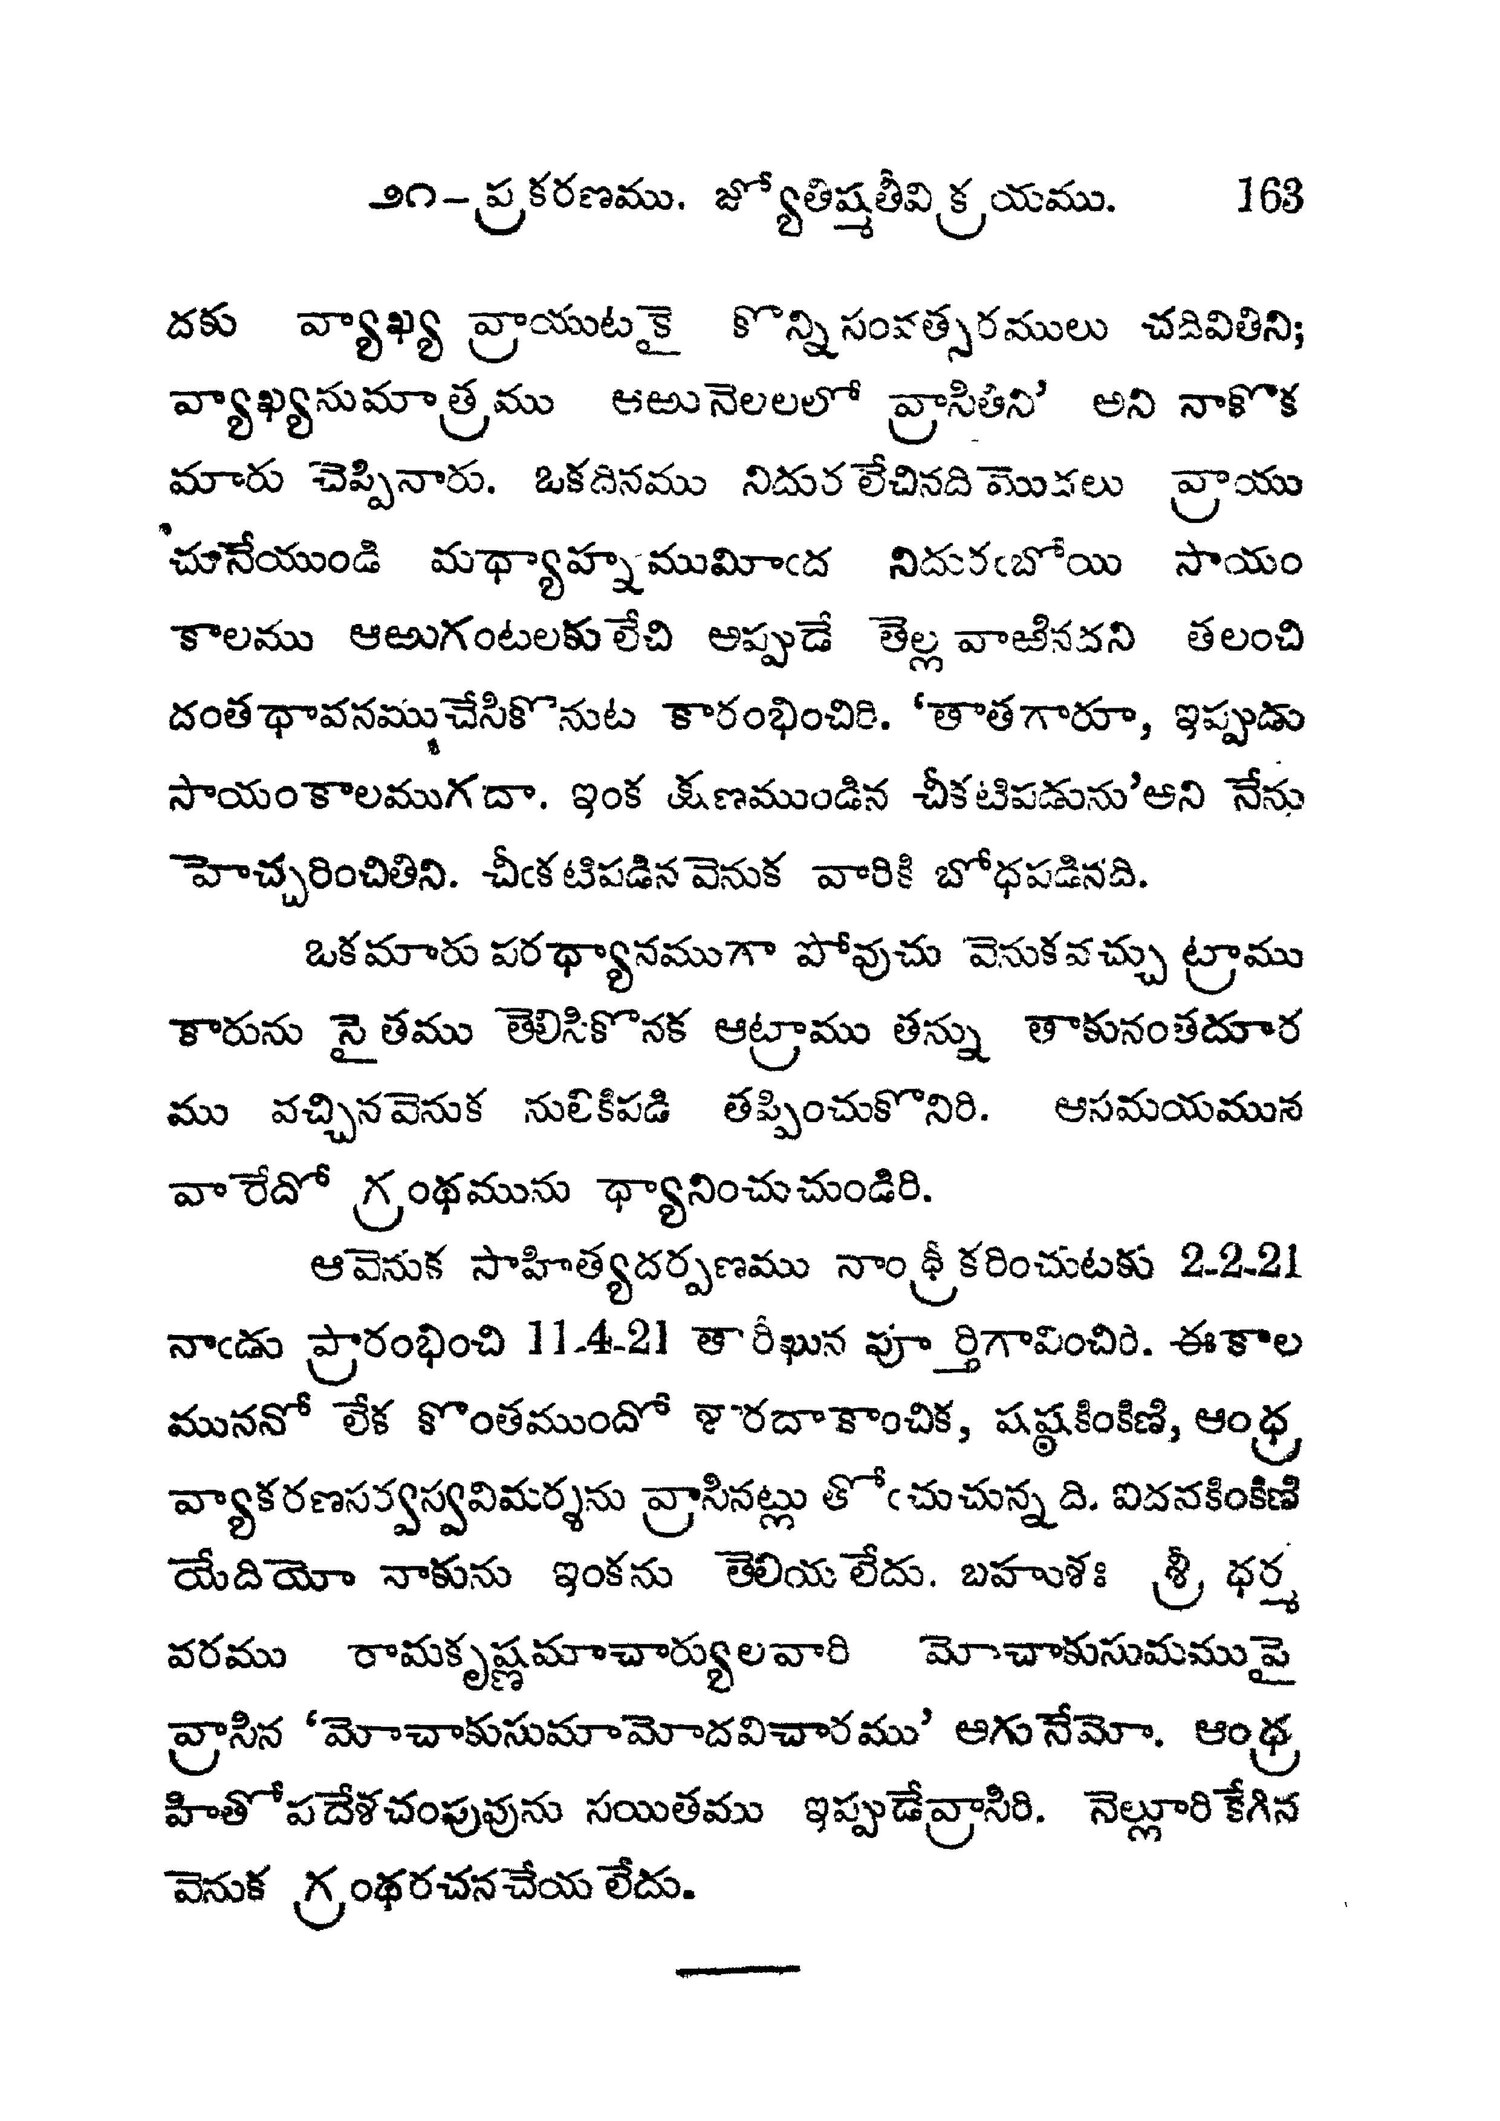దకు వ్యాఖ్య వ్రాయుటకై కొన్నిసంవత్సరములు చదివితిని; వ్యాఖ్యనుమాత్రము ఆఱునెలలలో వ్రాసితిని' అని నాకొకమారు చెప్పినారు. ఒకదినము నిదురలేచినదిమొదలు వ్రాయుచునేయుండి మధ్యాహ్నముమీద నిదురబోయి సాయంకాలము ఆఱుగంటలకులేచి అప్పుడే తెల్ల వాఱినదని తలంచి దంతథావనము చేసికొనుట కారంభించిరి. 'తాతగారూ, ఇప్పుడు సాయంకాలముగదా. ఇంక క్షణముండిన చీకటిపడును' అని నేను హెచ్చరించితిని. చీకటిపడినవెనుక వారికి బోధపడినది.

ఒకమారు పరథ్యానముగా పోవుచు వెనుకవచ్చు ట్రాము కారును సైతము తెలిసికొనక ఆట్రాము తన్ను తాకునంతదూరము వచ్చినవెనుక నులికిపడి తప్పించుకొనిరి. ఆసమయమున వారేదో గ్రంథమును థ్యానించుచుండిరి.

ఆవెనుక సాహిత్యదర్పణము నాంధ్రీకరించుటకు 2-2-21 నాడు ప్రారంభించి 11-4-21 తారీఖున పూర్తిగావించిరి. ఈకాలముననో లేక కొంతముందో శారదాకాంచిక, షష్ఠకింకిణి, ఆంధ్ర వ్యాకరణసర్వస్వవిమర్శను వ్రాసినట్లు తోచుచున్నది. ఐదవకింకిణి యేదియో నాకును ఇంకను తెలియలేదు. బహుస: శ్రీ ధర్మవరము రామకృష్ణమాచార్యులవారి మోచాకుసుమముపై వ్రాసిన 'మోచాకుసుమామోదవిచారము' అగునేమో. ఆంధ్ర హితోపదేశచంపువును సయితము ఇప్పుడేవ్రాసిరి. నెల్లూరికేగిన వెనుక గ్రంథరచనచేయలేదు.

__________